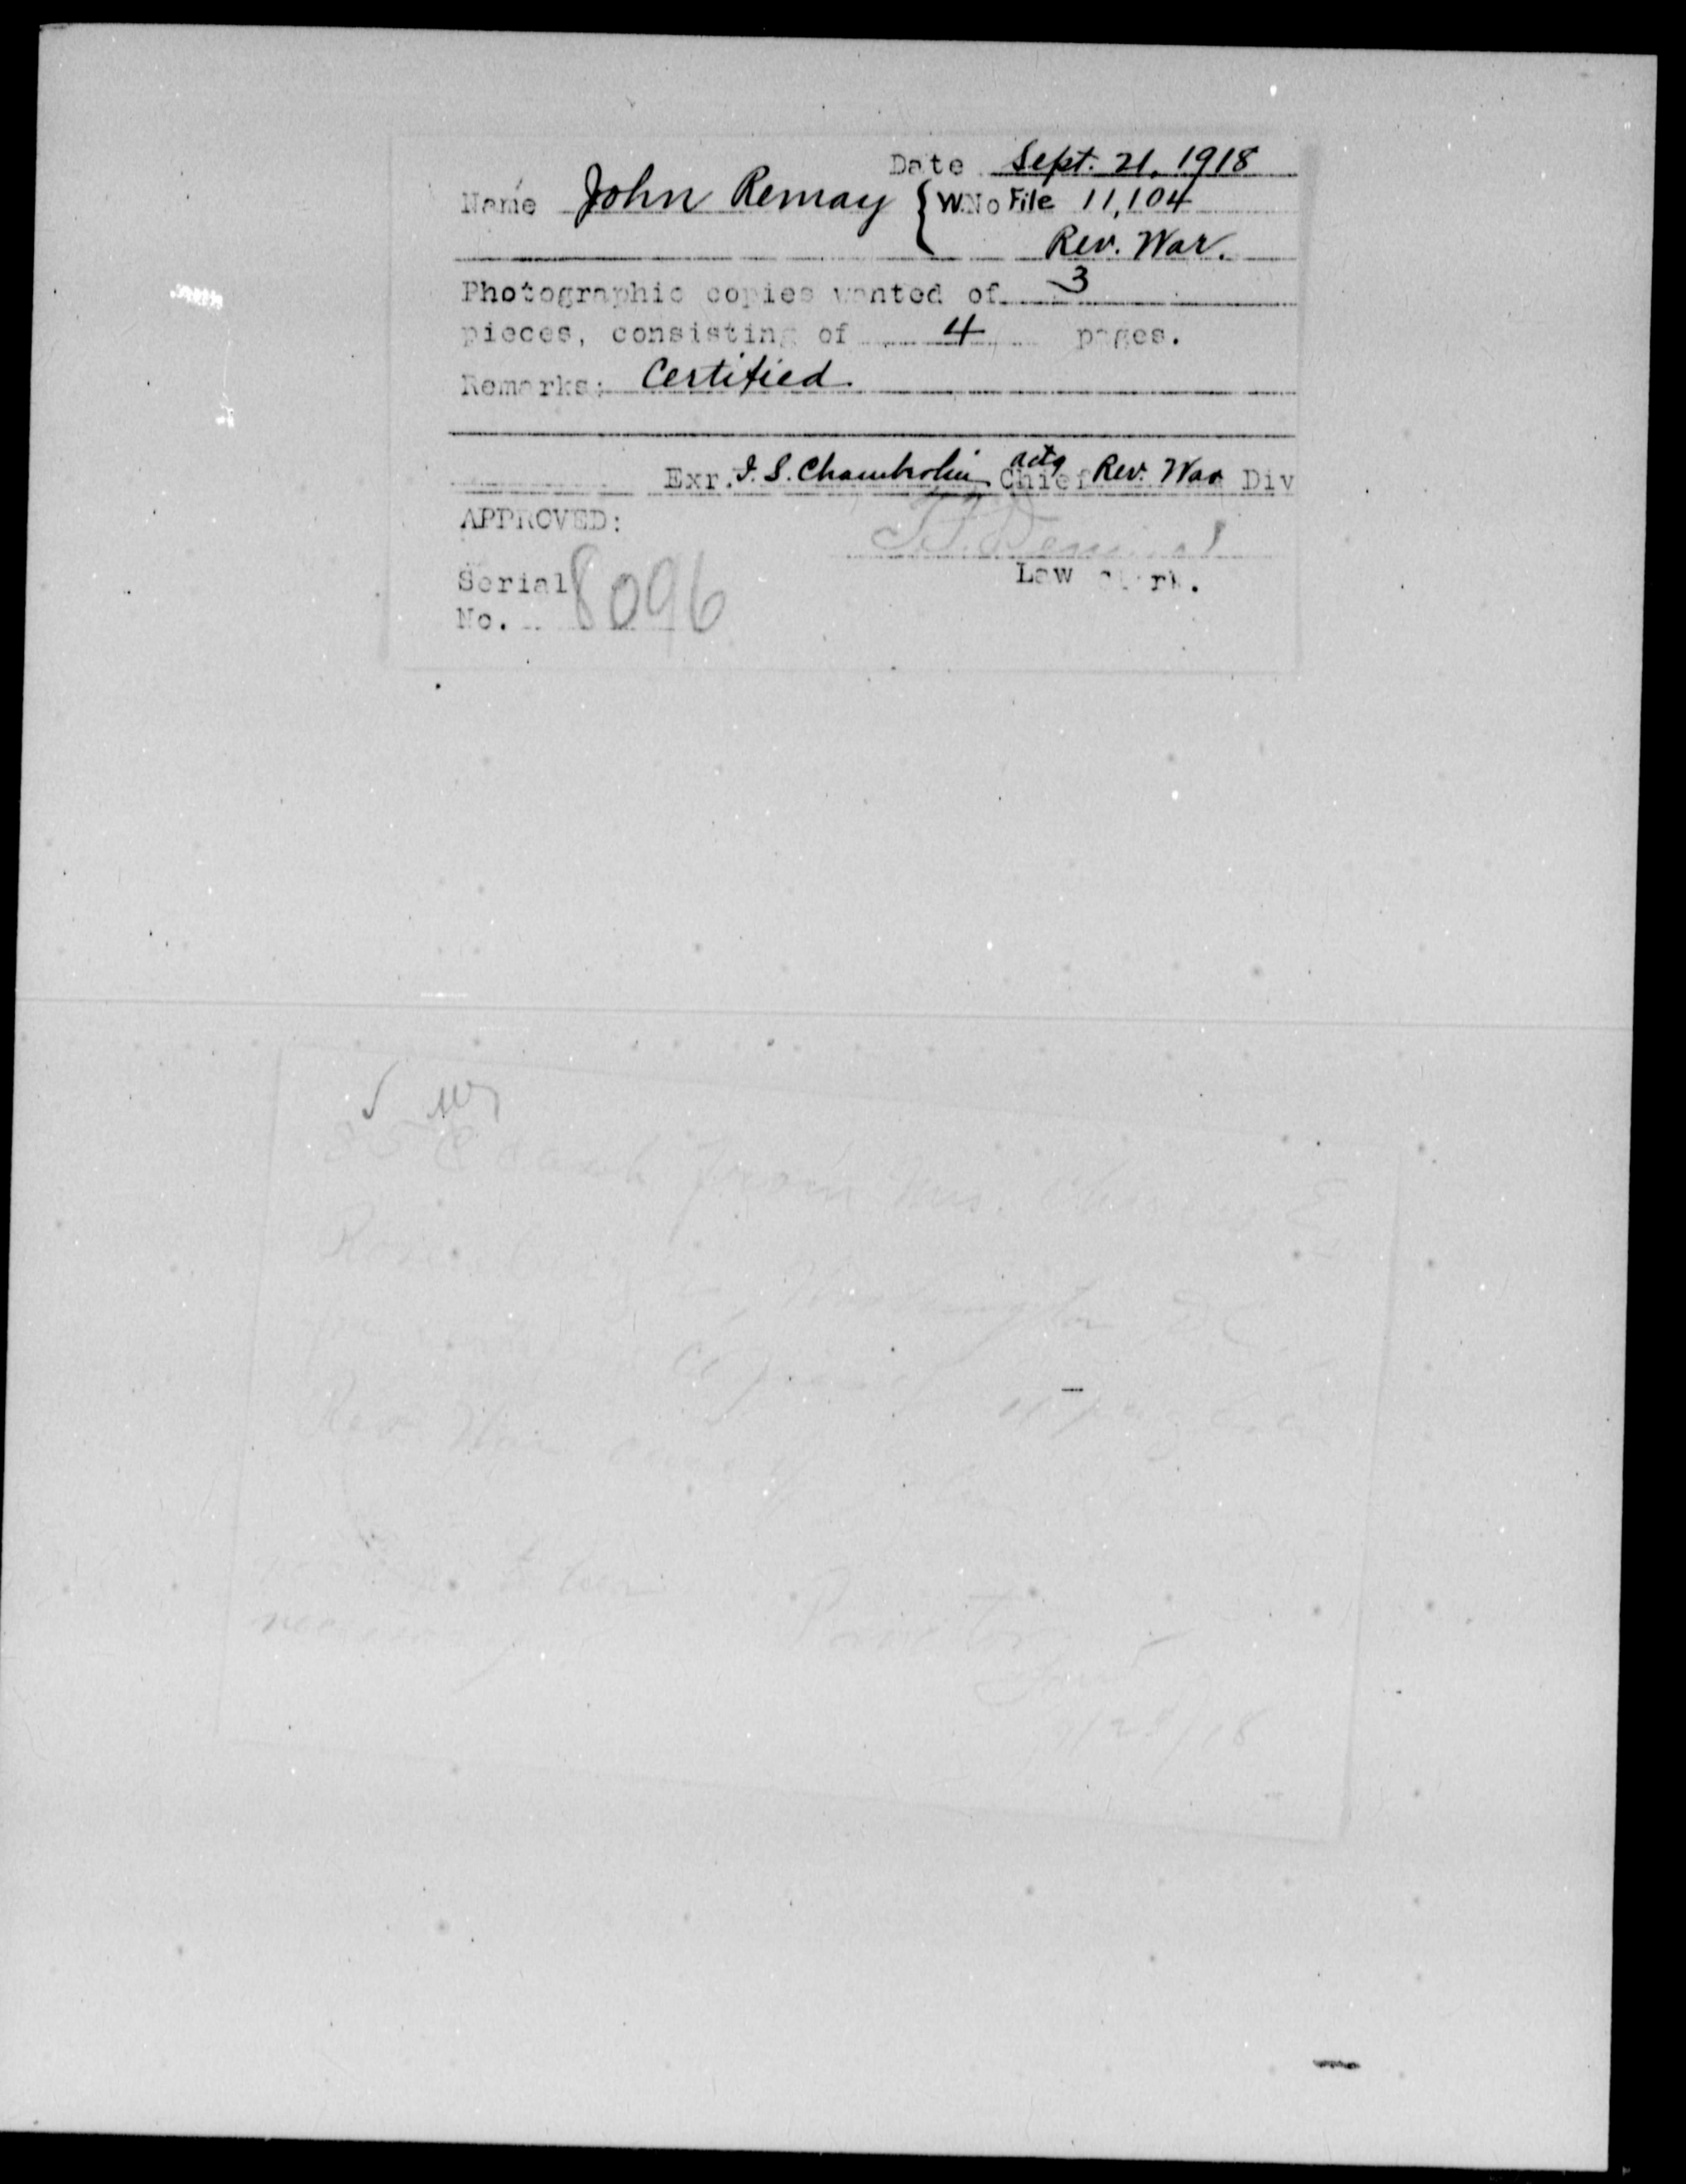Date Sept. 21, 1918
Name John Remay W. No File 11,104
Rev. War.
Photographic copies wanted of 3 pieces, consisting of 4 pages.
Remarks: Certified
Exr. J. S. Chamberlin, actg Chief Rev. War Div
APPROVED: J. F. Demis
Law Clerk.
Serial
No. 8096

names: J S Chamberlin; John Remay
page: 61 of 84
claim: widow's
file: W.11104, for John Remay, Virginia